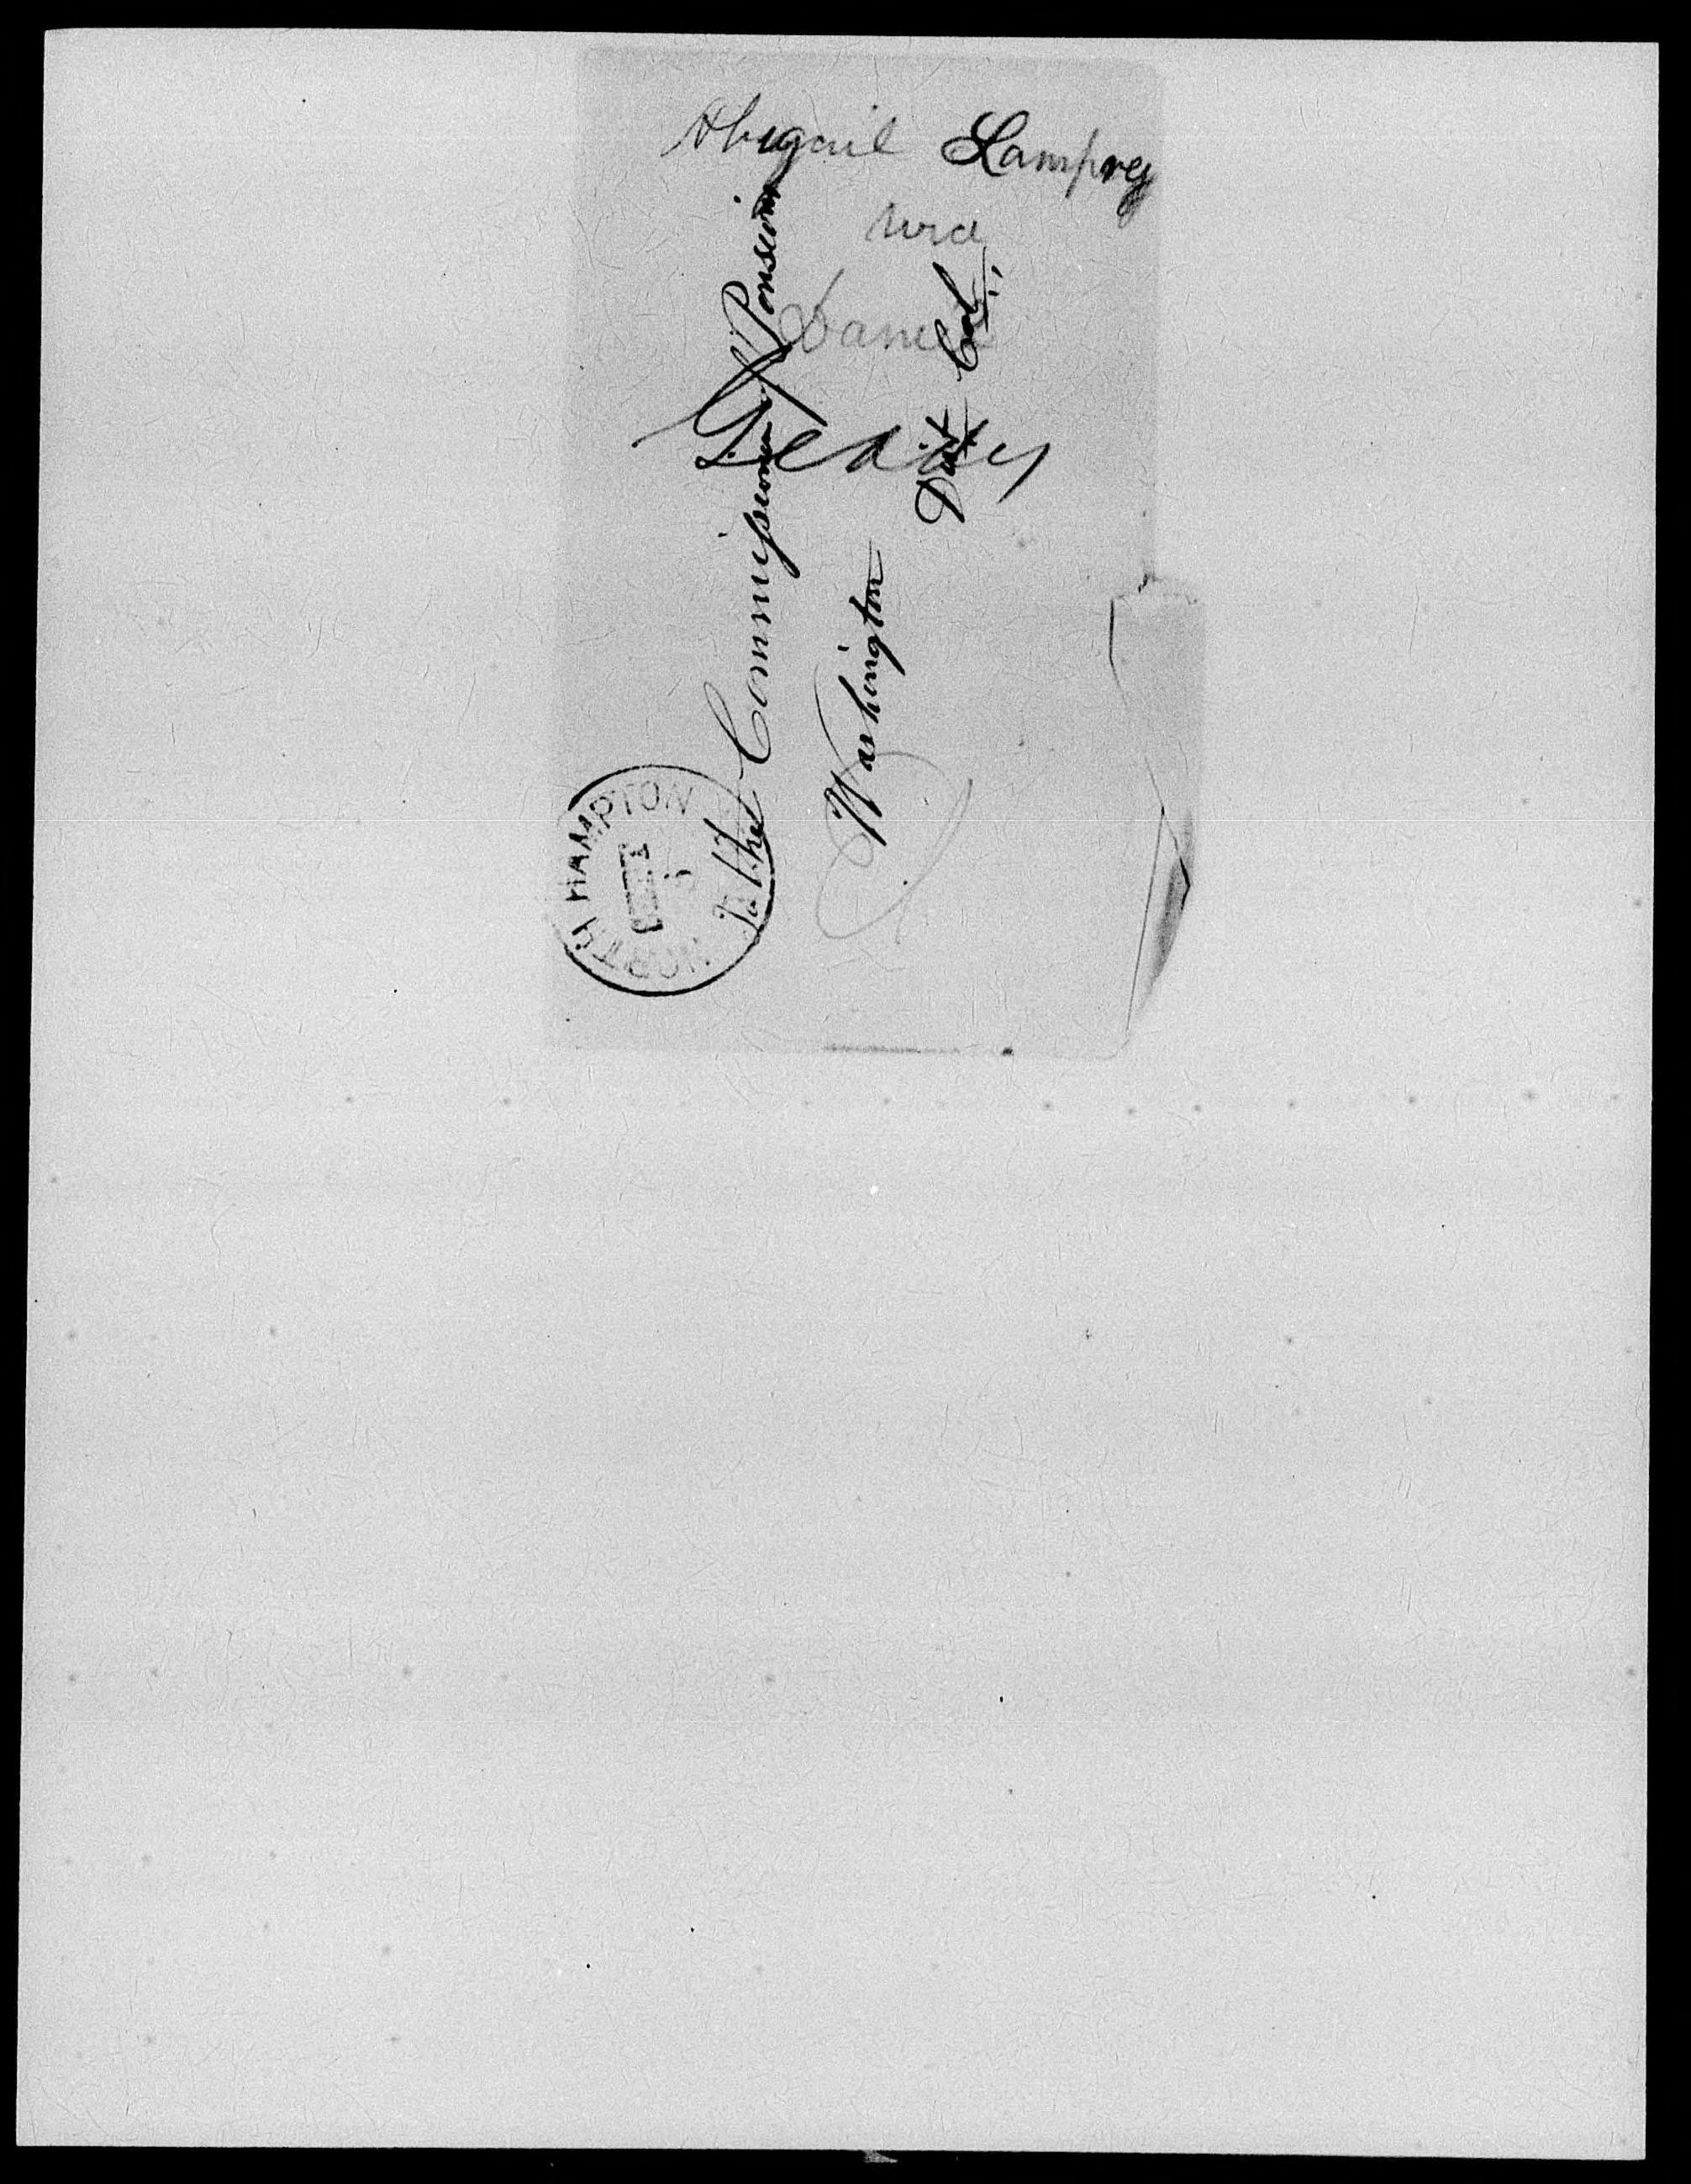[stamp] NORTH HAMPTON [illegible] 3 N.H.

To the Commissioner of Pensions
Washington Dist. Col [DISTRICT OF COLUMBIA]

Abigail Lamprey wid [WIDOW] Daniel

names: Abigail Lamprey; Daniel Lamprey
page: 28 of 53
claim: widow's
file: W. 492, for Daniel Lamprey, New Hampshire